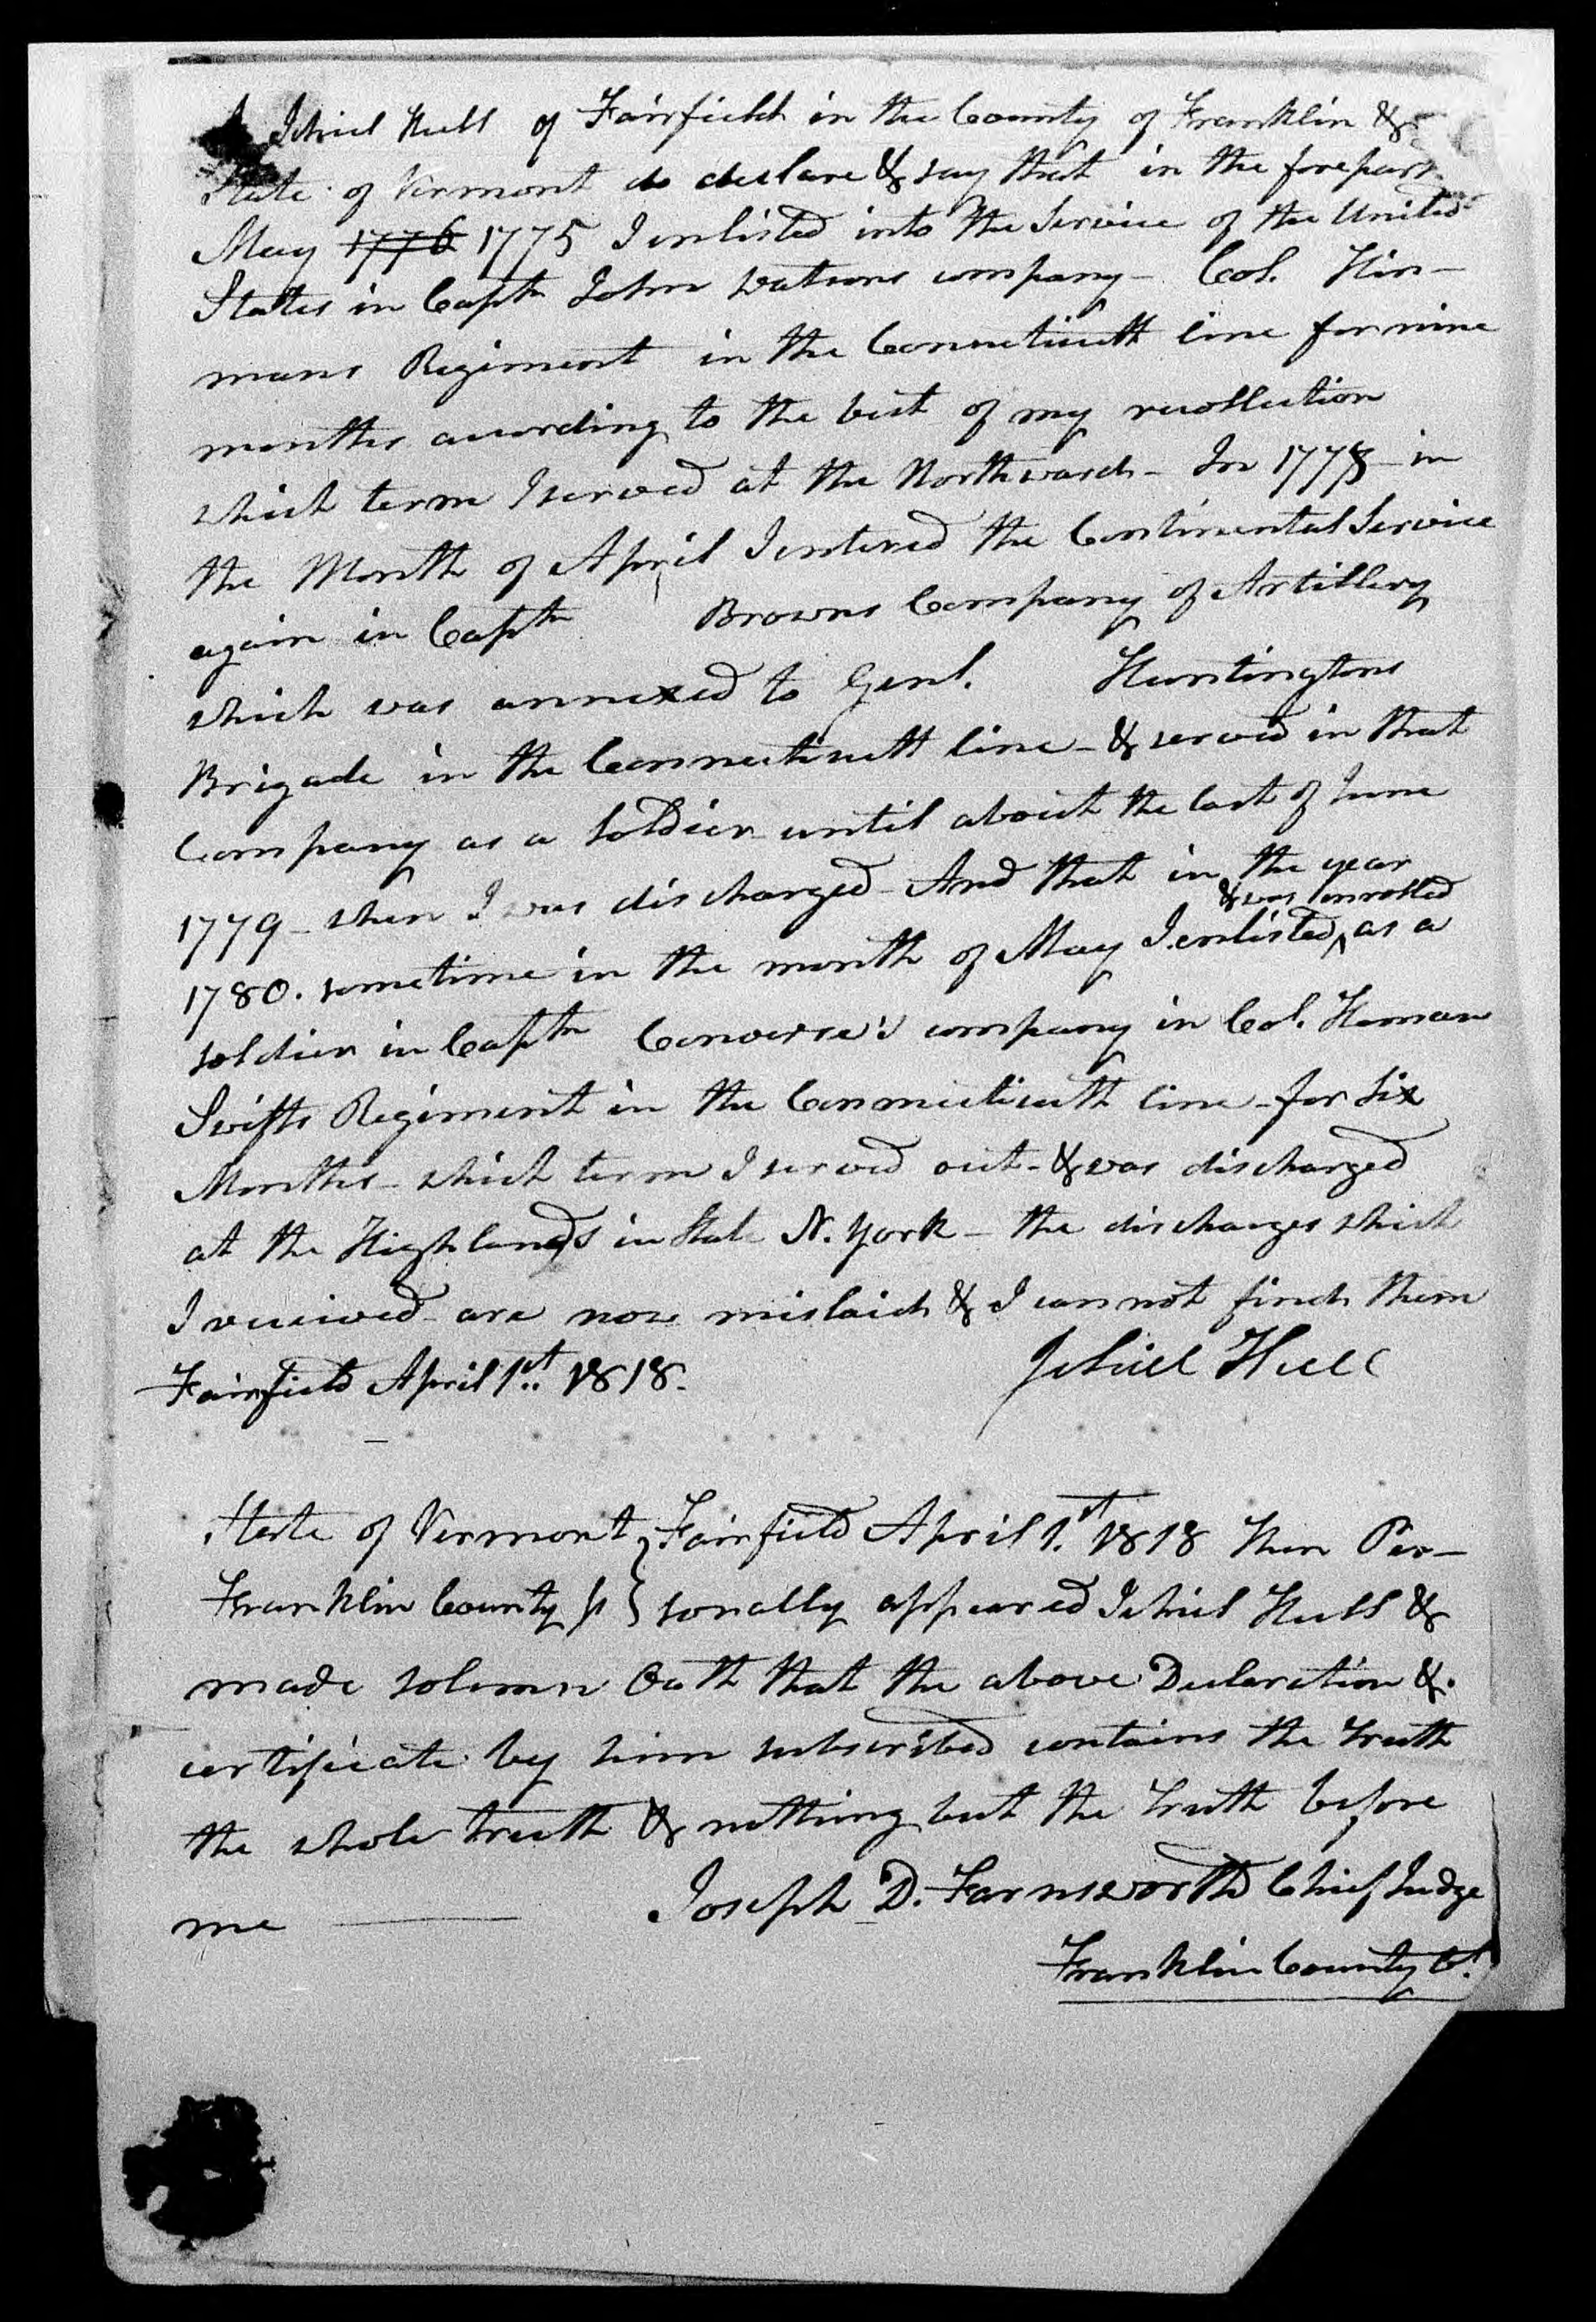I Jehiel Hull of fairfield in the county of franklin of statte of Vermont do decalre & say that in the forepart May 1775 I enlisted into the service of the United States in Capt John Watone company  - ILLEGIBLERegiment in the Connecticut line from months according to the best of my recollection which term I served at Nearthmarch for 1775 in the moth of April I enterd the continetal service again in Capt Browns Company of Artillery which was moved to ILLEGIBLE  Brigade in the Connexticut line of service in the company as a ILLEGIBLE until about the last of ILLEGIBLE 1779 when i was discharged and that in the year 1780 sometime in the month of May I enlisted as a soldier in Capt ILLEGIBLE company in Col. ILLEGIBLE Regiment in the connecticut line for six months which term i served out. & was discharged at the highlands in the state N york - the discharge where i recieved are more ILLEGIBLE & I cannot finish them
Fairfield April 1st 1818 Jehiel Hull 
State of vermont Fairfield April 1st 1818 then per Franklin county } formally  appeared Jehiel Hull & made Solemn butt that the above Declaration wheof irrifute by him who ILLEGIBLE contains the truth the whole truth & nthing but the truth before 
Joseph D farnsworth cheif judge Frankil county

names: Jehiel Hull, Joseph D Farnsworth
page: 40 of 58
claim: widow's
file: W. 25813, Jehiel Hull, Conn.